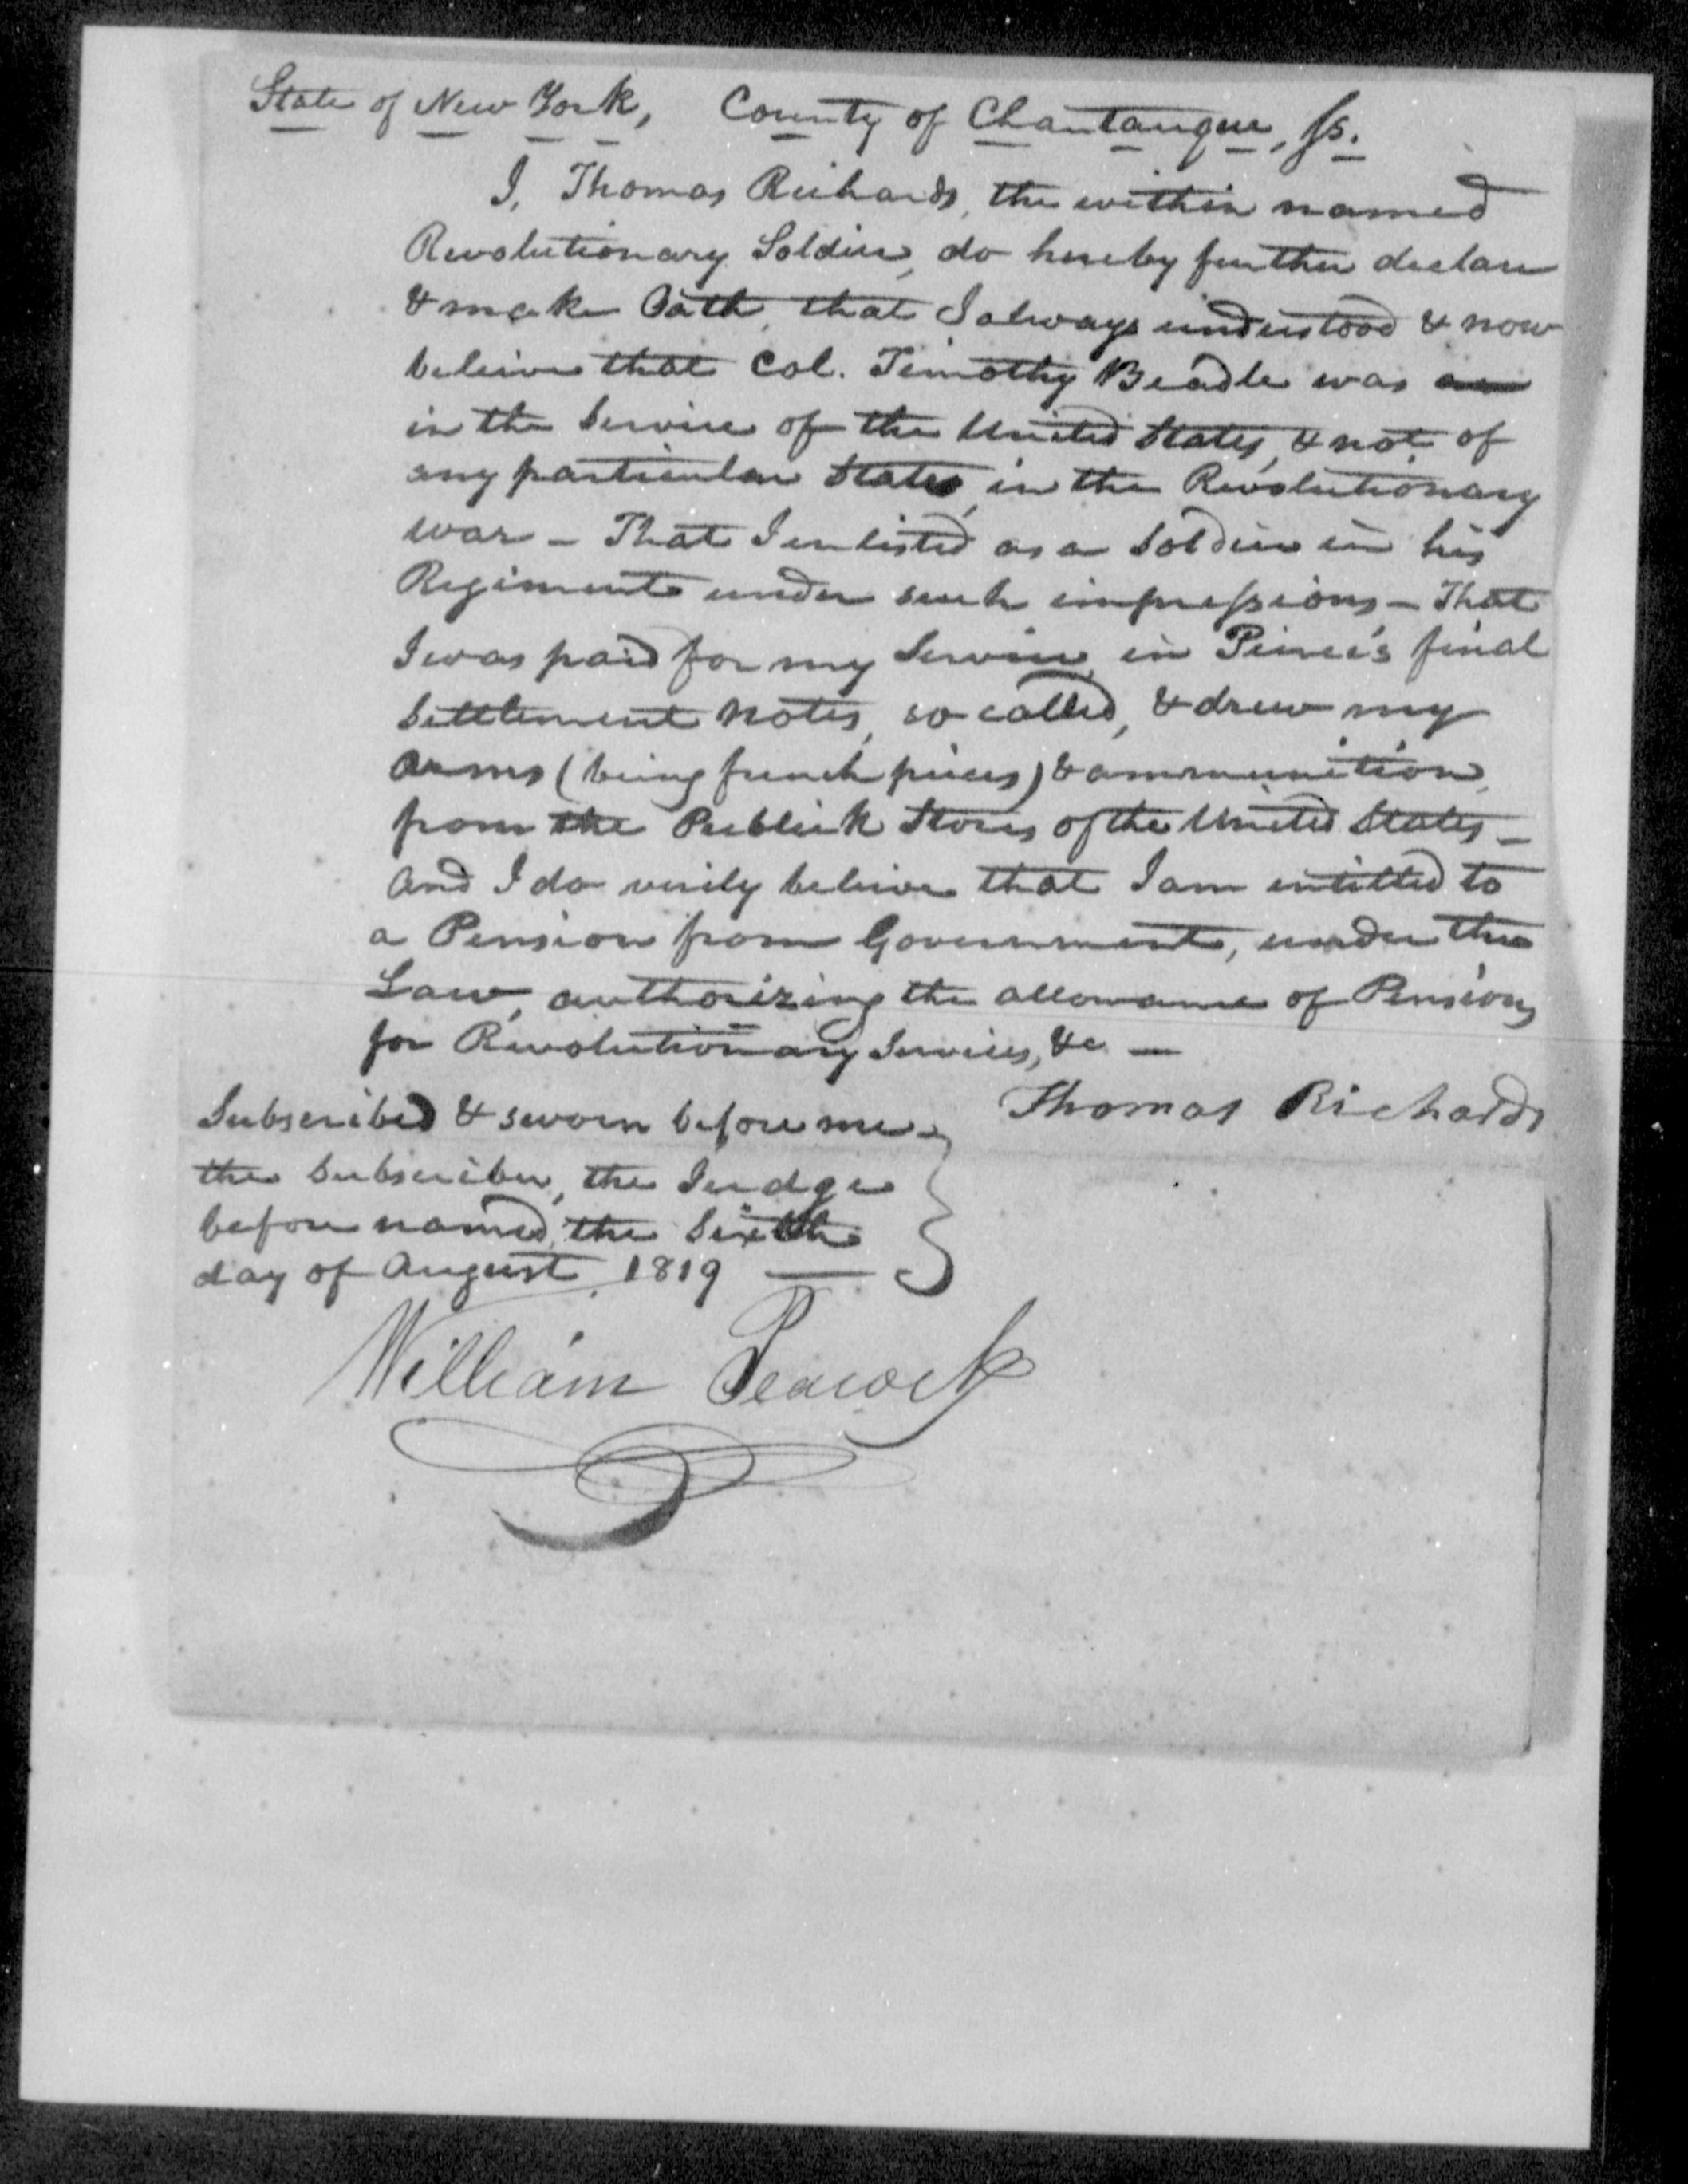State of New York, County of Chautauqua, Ss.
I, Thomas Richards, the within named Revolutionary Soldier, do hereby further declare & make Oath that I always understood & now believe that Col. [COLONEL] Timothy Beadle was in the Service of the United States, & not of any particular states, in the Revolutionary war - That I enlisted as a Soldier in his Regiment under such impressions - That I was paid for my Service in Peirce's final Settlement notes, so called & drew my arms (being french prices) & ammunition from the Publick stores of the United States - and I do verily believe that I am entitled to a Pension from Government, under this Law, authorizing the allowance of Pensions for Revolutionary services, &c. -
Thomas Richards
Subscibed & sworn before me the Subscriber, the Judge before named, the Sixth day of August, 1819 -
William Peacock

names: William Peacock; Timothy Beadle; Thomas Richards; Thomas Richards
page: 9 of 109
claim: widow's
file: W. 5709, for Thomas Richards, New Hampshire